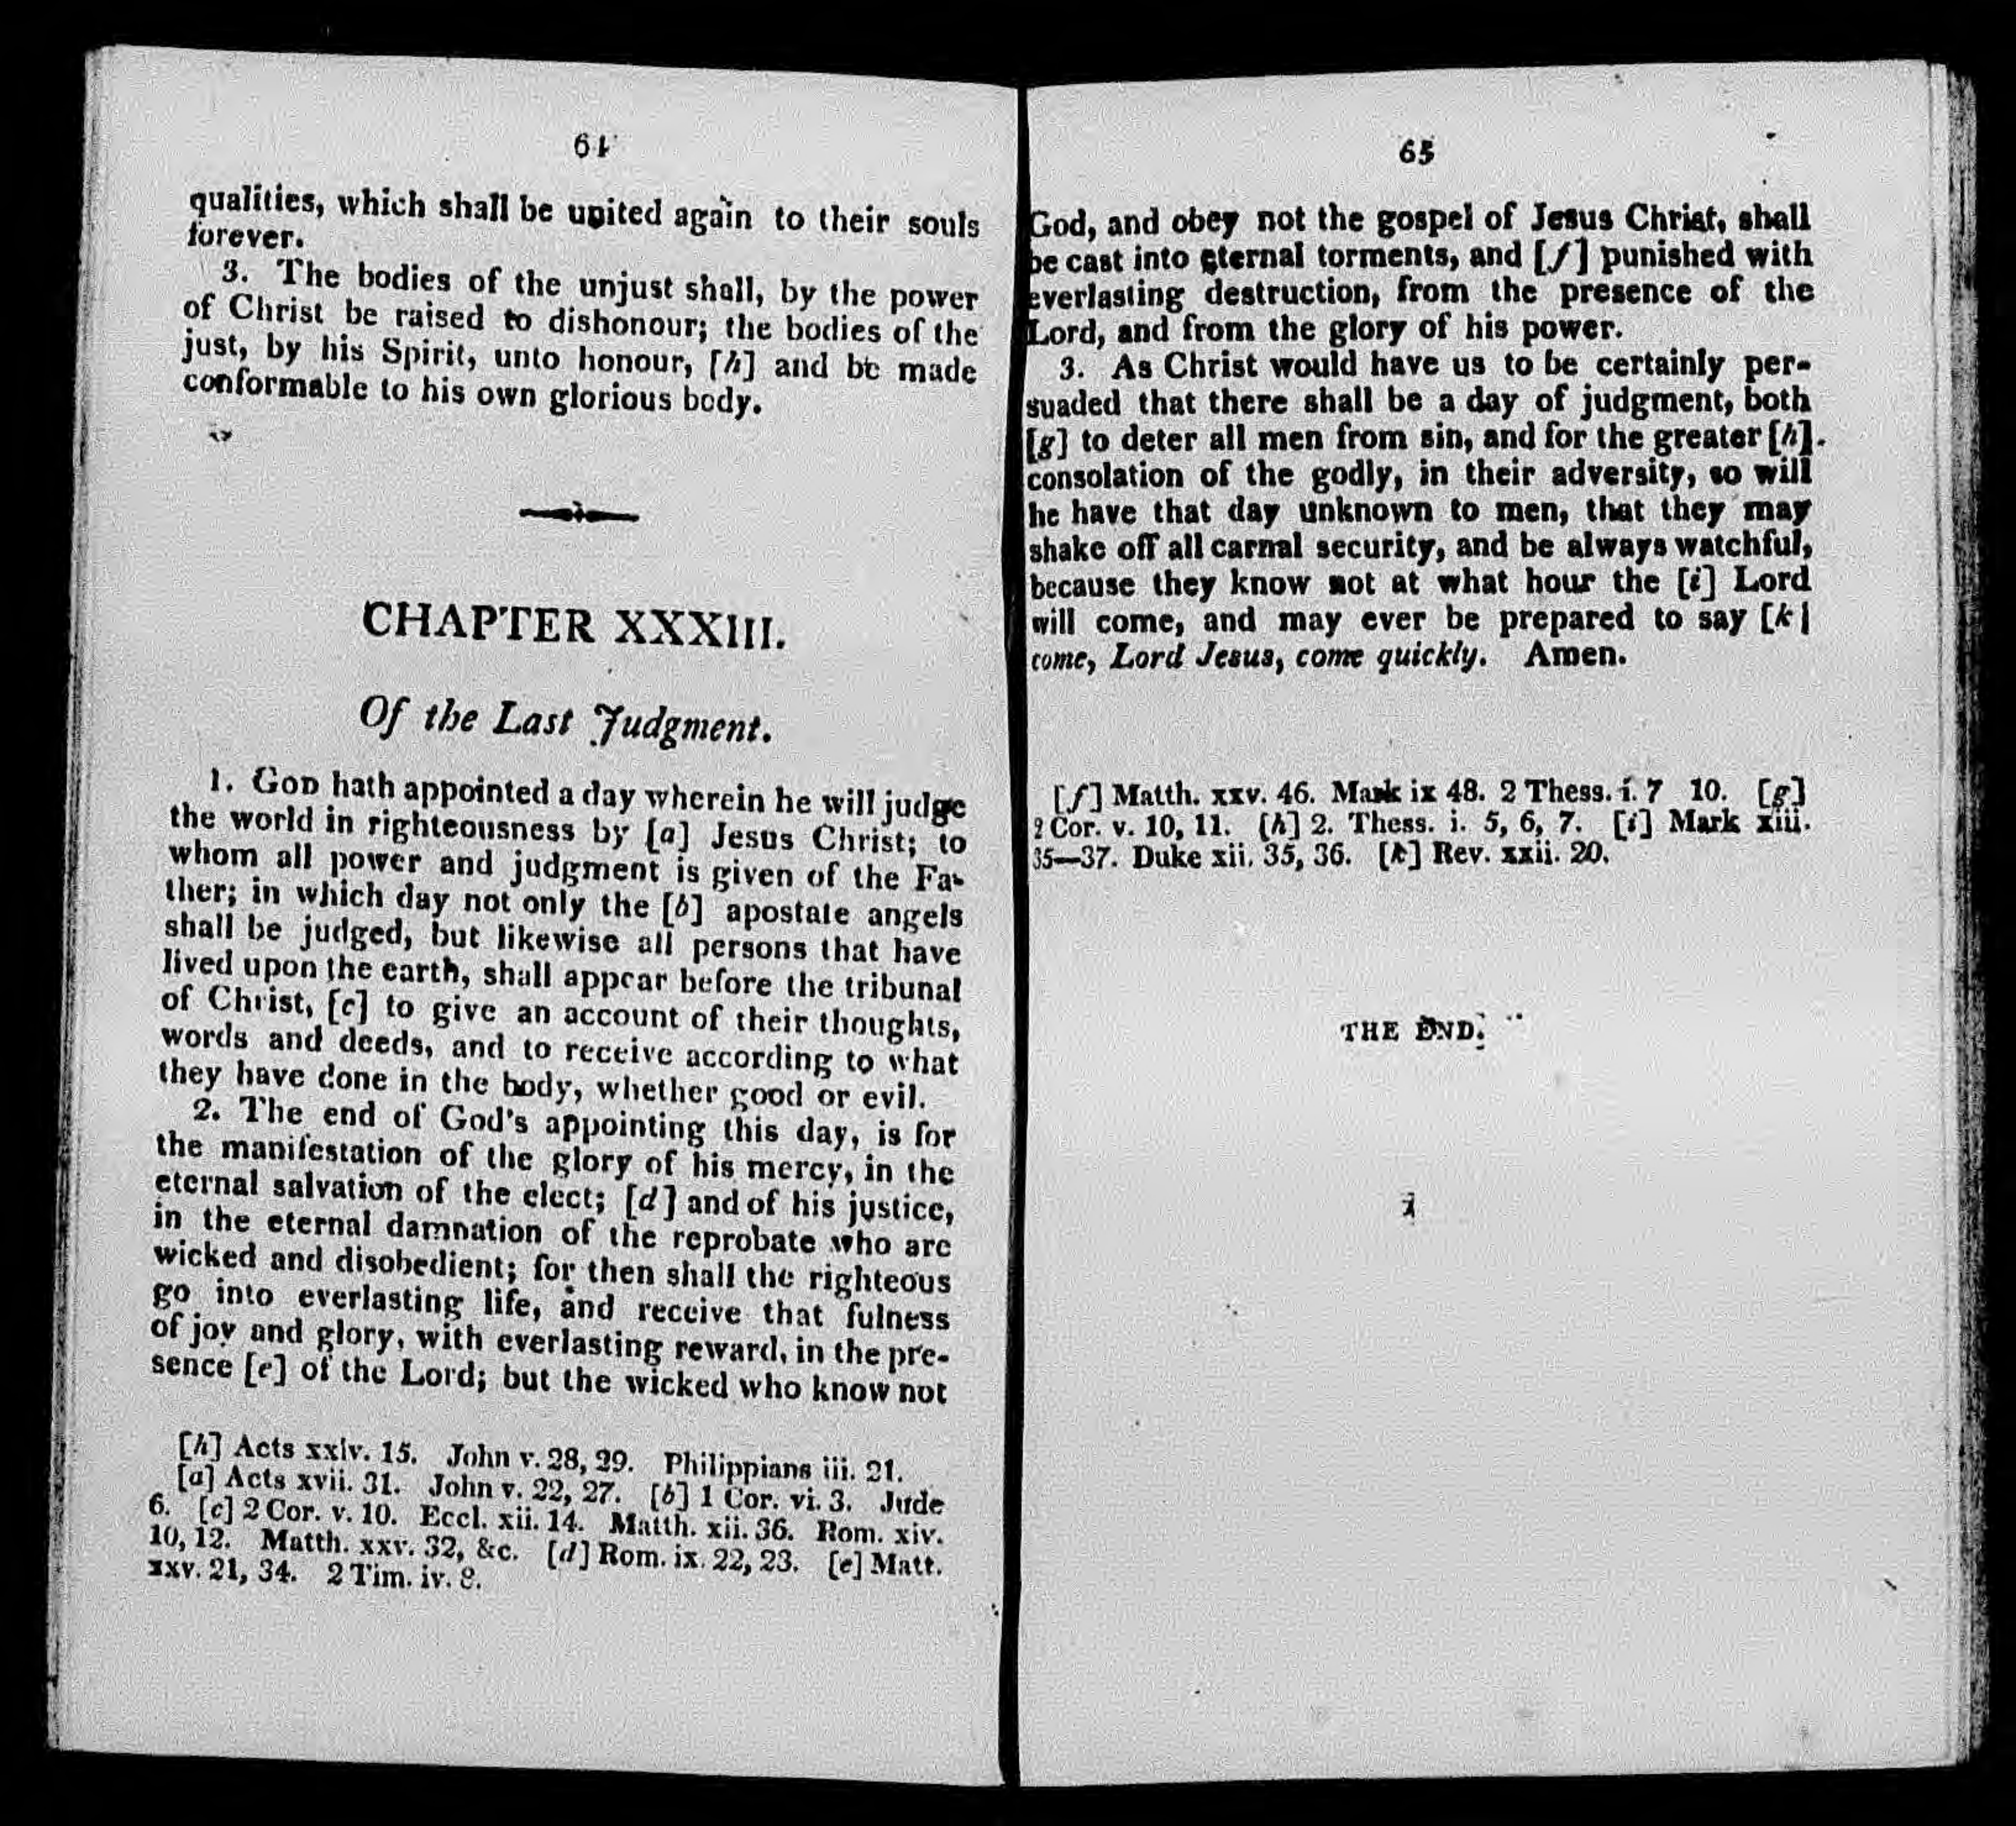64
qualities, which shall be united again to their souls
forever.
3. The bodies of the unjust shall, by the power
of Christ be raised to dishonour; the bodies of the
just, by his Spirit, unto honour, [h] and be made
conformable to his own glorious body.
-------------
CHAPTER XXXIII.
Of the Last Judgment.
1. God hath appointed a day wherein he will judge
the world in righteousness by [a] Jesus Christ; to
whom all power and judgment is given of the Father;
in which day not only the [b] apostate angels
shall be judged, but likewise all persons that have
lived upon the earth, shall appear before the tribunal
of Christ,[c] to give an account of their thoughts,
words and deeds, and to receive according to what
they have done in the body, whether good or evil.
2. The end of God's appointing this day, is for
the manifestation of the glory of his mercy, in the
eternal salvation of the elect; [d] and of his justice,
in the eternal damnation of the reprobate who are
wicked and disobedient; for then shall the righteous
go into everlasting life, and receive that fulness
of joy and glory, with everlasting reward, in the presence [e] of the Lord; but the wicked who know not

[h] Acts xxiv. 15. John v. 28, 29.  Philippians iii. 21.
[a] Acts, xvii. 31.   John v. 22, 27.   [b] 1 Cor. vi. 3.  Jude
6.   [c] 2 Cor. v. 10.   Eccl. xii. 14.   Matth. xii. 36.  Rom. xiv.
10, 12.   Matth, xxv. 32, &c.   [d] Rom. ix. 22, 23.   [e] Matt.
xxv. 21, 34.   2 Tim. iv. 8.

65

God, and obey not the gospel of Jesus Christ, shall
be cast into eternal torments, and [f] punished with
everlasting destruction, from the presence of the
Lord, and from the glory of his power.
3. As Christ would have us to be certainly persuaded
that there shall be a day of judgment, both
[g] to deter all men from sin, and for the greater [h]
consolation of the godly in their adversity, so will
he have that day unknown to men, that they may
shake off all carnal security, and be always watchful,
because they know not at what hour the [i] Lord
will come, and may ever be prepared to say
come, Lord Jesus, come quickly. Amen.

[f] Matt. xxv. 46.   Mark ix 48.   2 Thess. i. 7   10. [g]
2 Cor. v. 10, 11. [h] 2. Thess. i. 5, 6, 7.   [i] Mark xiii.
35 - 37.   Duke xii, 35, 36. [k] Rev. xxii. 20.

THE END.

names: Duke, John, Mark, John, Matth, Matt, Mark, Matth, Jude, Tim, Matth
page: 45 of 98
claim: widow's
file: W. 8398, William Broadway, S.C.